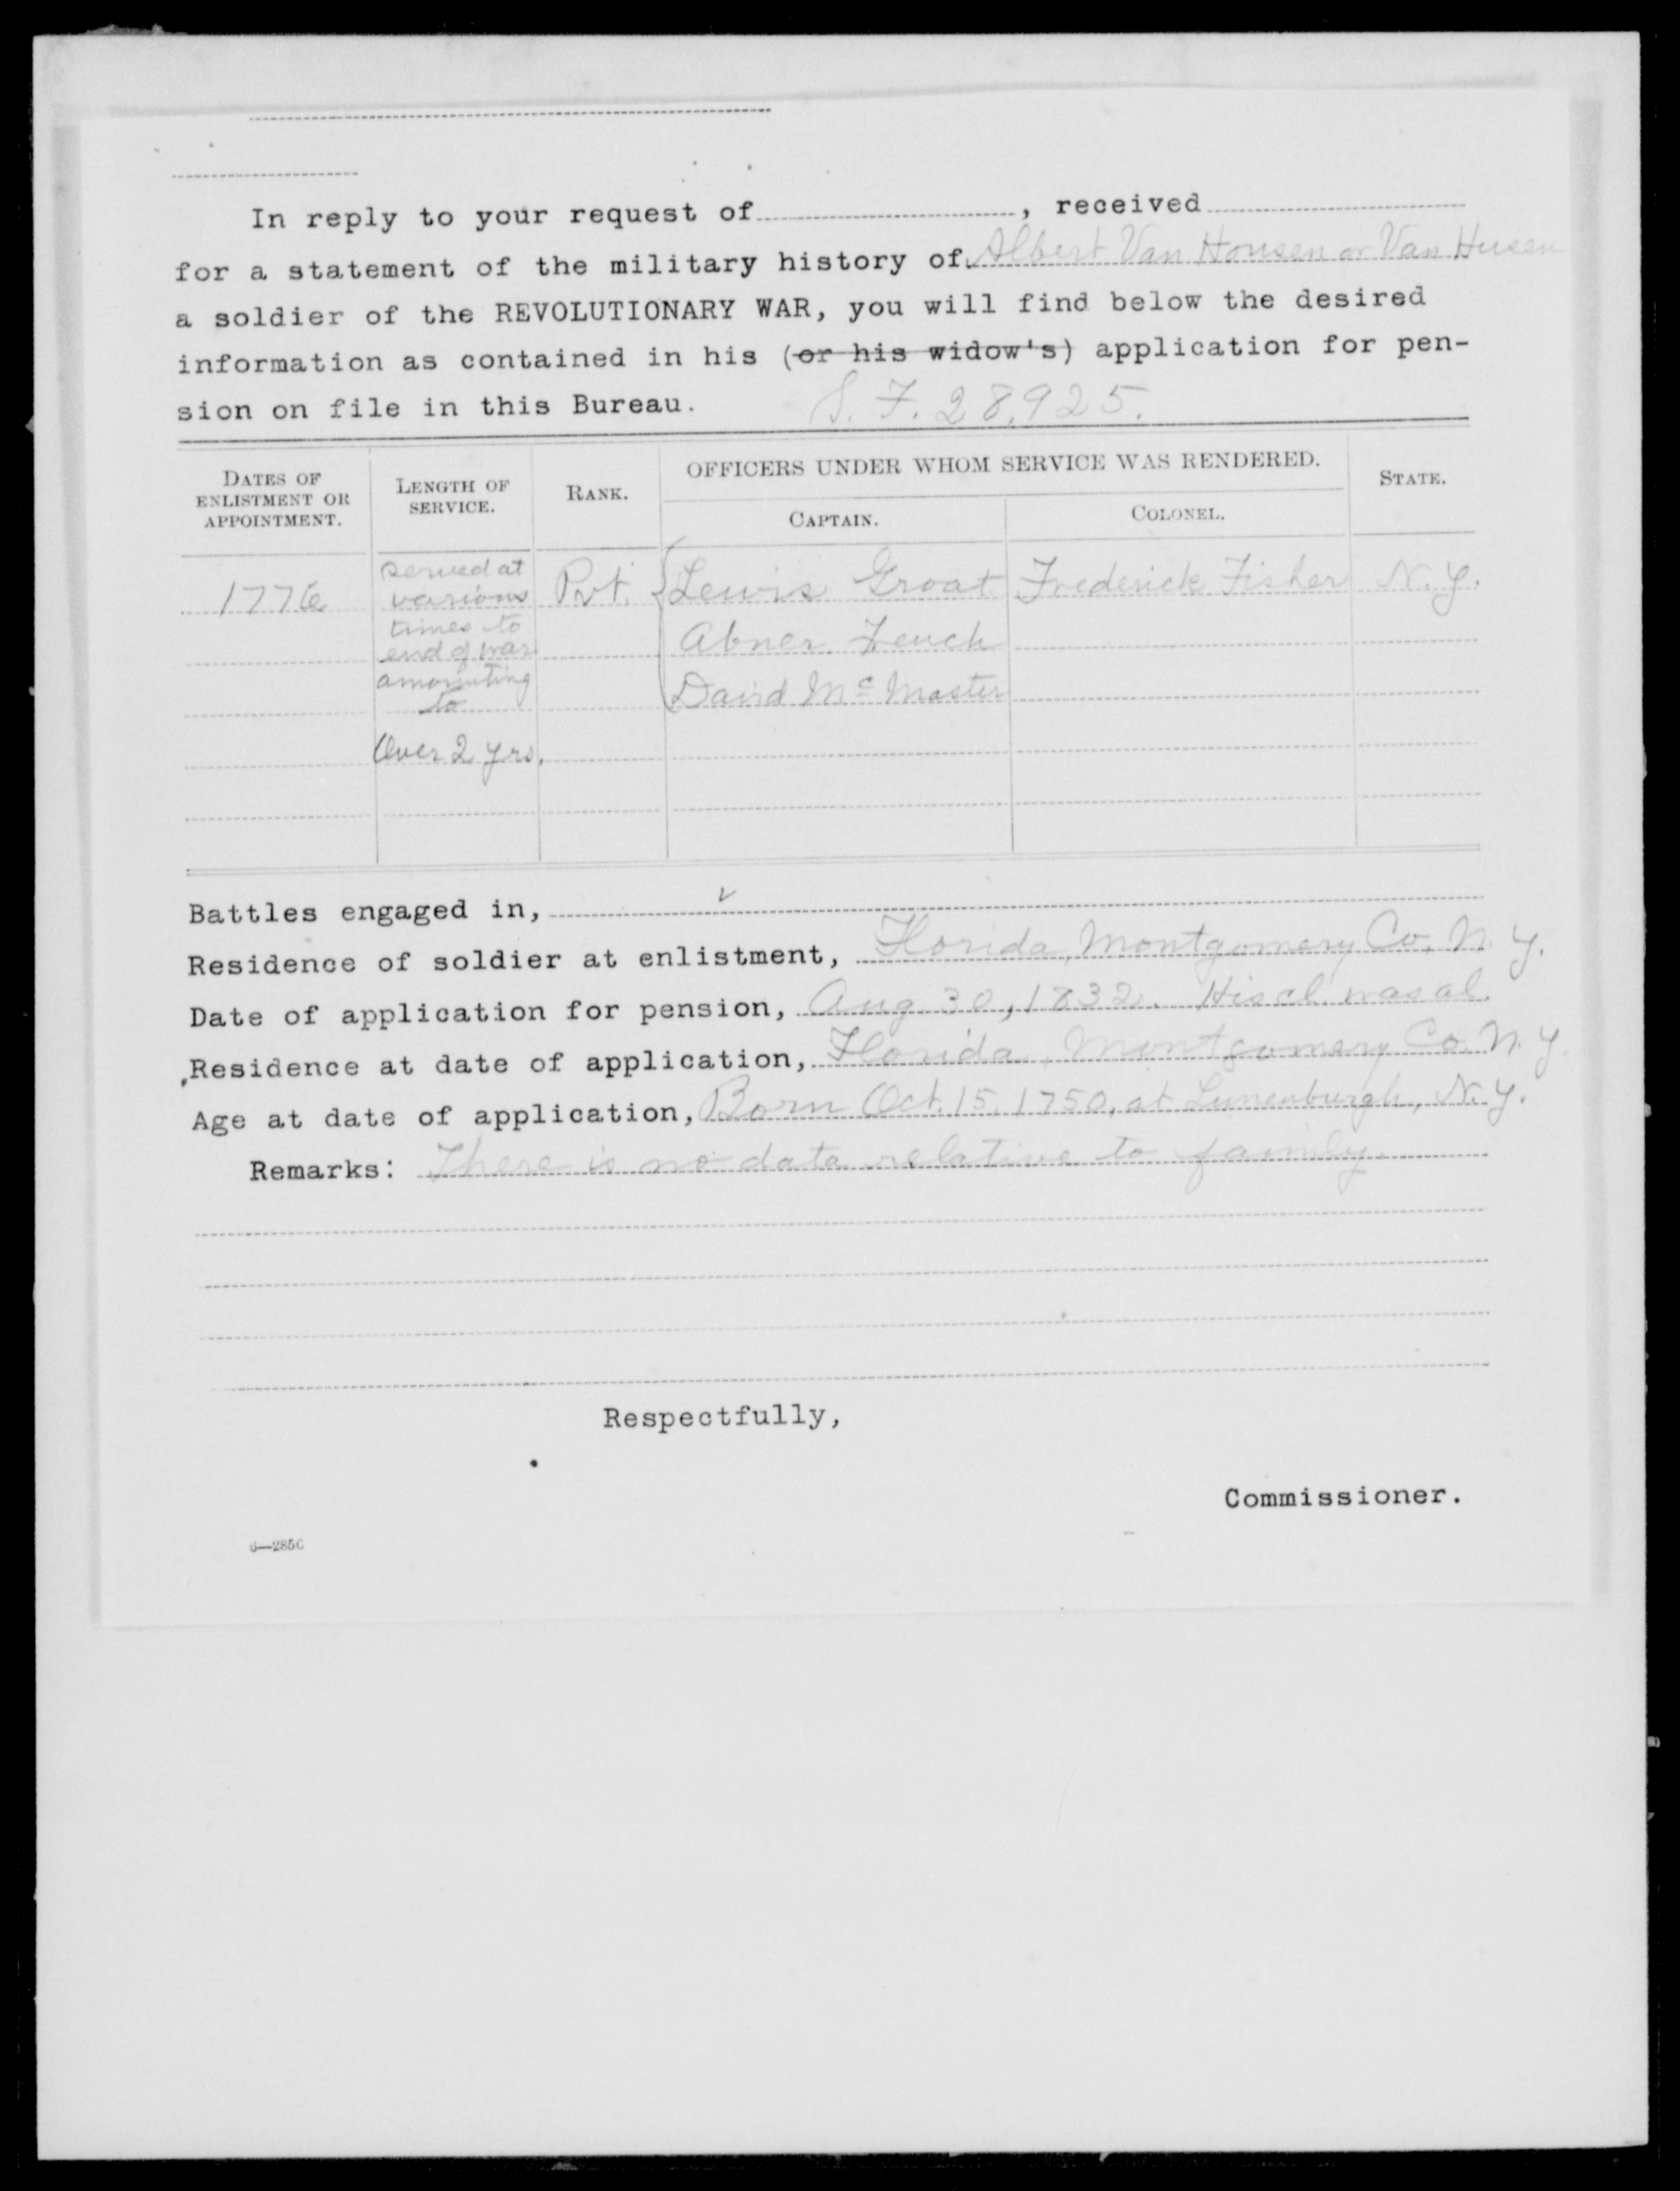In reply to your request of ___ received ___ for a statement of the military history of                       a soldier of the REVOLUTIONARY WAR, you will find below the desired information as contained in his [crossed out: (or his widow's)] application for pension on file in this Bureau.  S. F. 28.925.

[BEGIN TABLE]
DATES OF ENLISTMENT OR APPOINTMENT.  |   LENGTH OF SERVICE.   |   RANK.   |  OFFICERS UNDER WHOM SERVICE WAS RENDERED. CAPTAIN.   |   COLONEL.   |   STATE.  |
1776  |  served at various times to end of war amounting to Over 2 yrs.  |  Pvt.  |  Lewis Groat Abner French David McMaster  |  Frederick Fisher  |  N.Y.  |
[END TABLE]

Battles engaged in, 
Residence of soldier at enlistment, Florida, Montgomery Co. N.Y.
Date of application for pension, Aug. 30, 1832. His cl. was al.
Residence at date of application, Florida, Montgomery Co. N.Y.
Age at date of application, Born Oct. 15 1750, at Lunenburgh, N.Y.
Remarks: There is no data relative to family.

Respectfully, 
Commissioner.

6-2856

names: Lewis Groat, Frederick Fisher, Albert Van Housen, Albert Van Husen, David Mc Master, Abner French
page: 12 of 57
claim: survivor's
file: S. 28,925, Albert Van Housen, New York